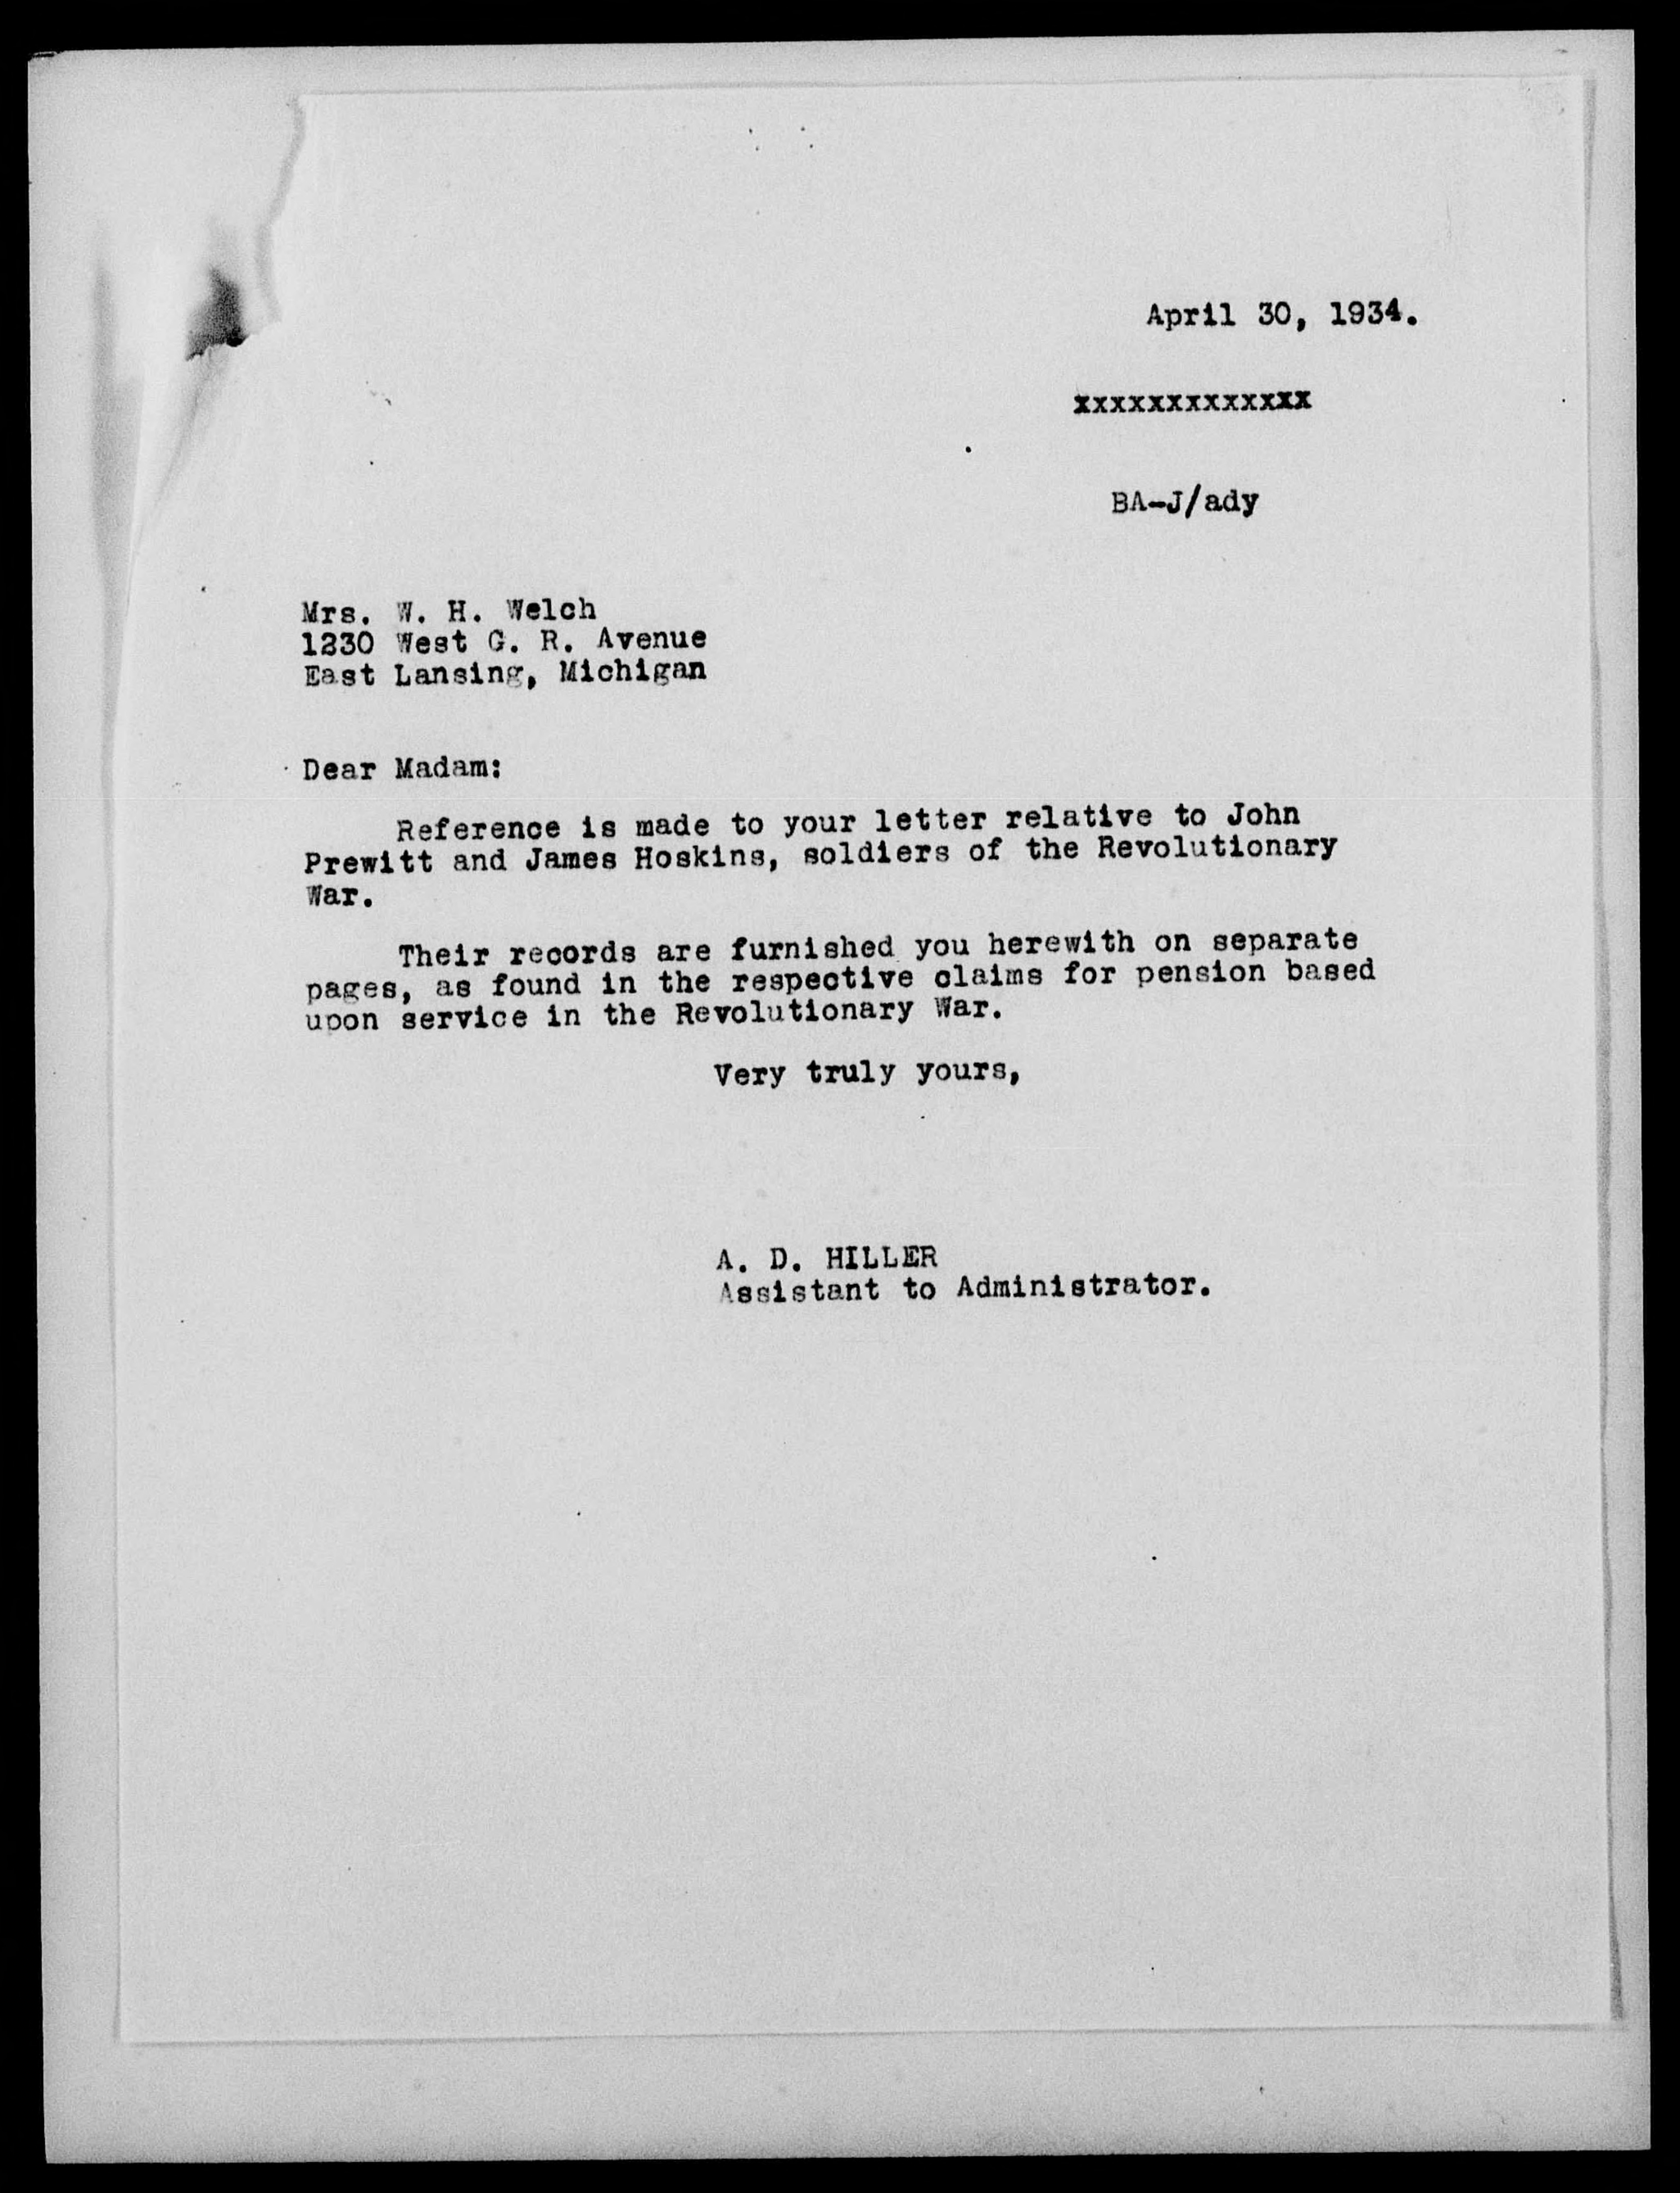April 30, 1934.
xxxxxxx
BA-J/ady

Mrs. W. H. Welch
1230 West G. R. Avenue
East Lansing, Michigan

Dear Madam:

Reference is made to your letter relative to John Prewitt and James Hoskins, soldiers of the Revolutionary War.

Their records are furnished you herewith on separate pages, as found in the respective claims for pension based upon service in the Revolutionary War.

Very truly yours,

A. D. HILLER
Assistant to Administrator.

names: James Hoskins; A D Hiller; John Prewitt; W H Welch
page: 19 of 35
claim: survivor's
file: S. 30,665, for John Prewett, Virginia